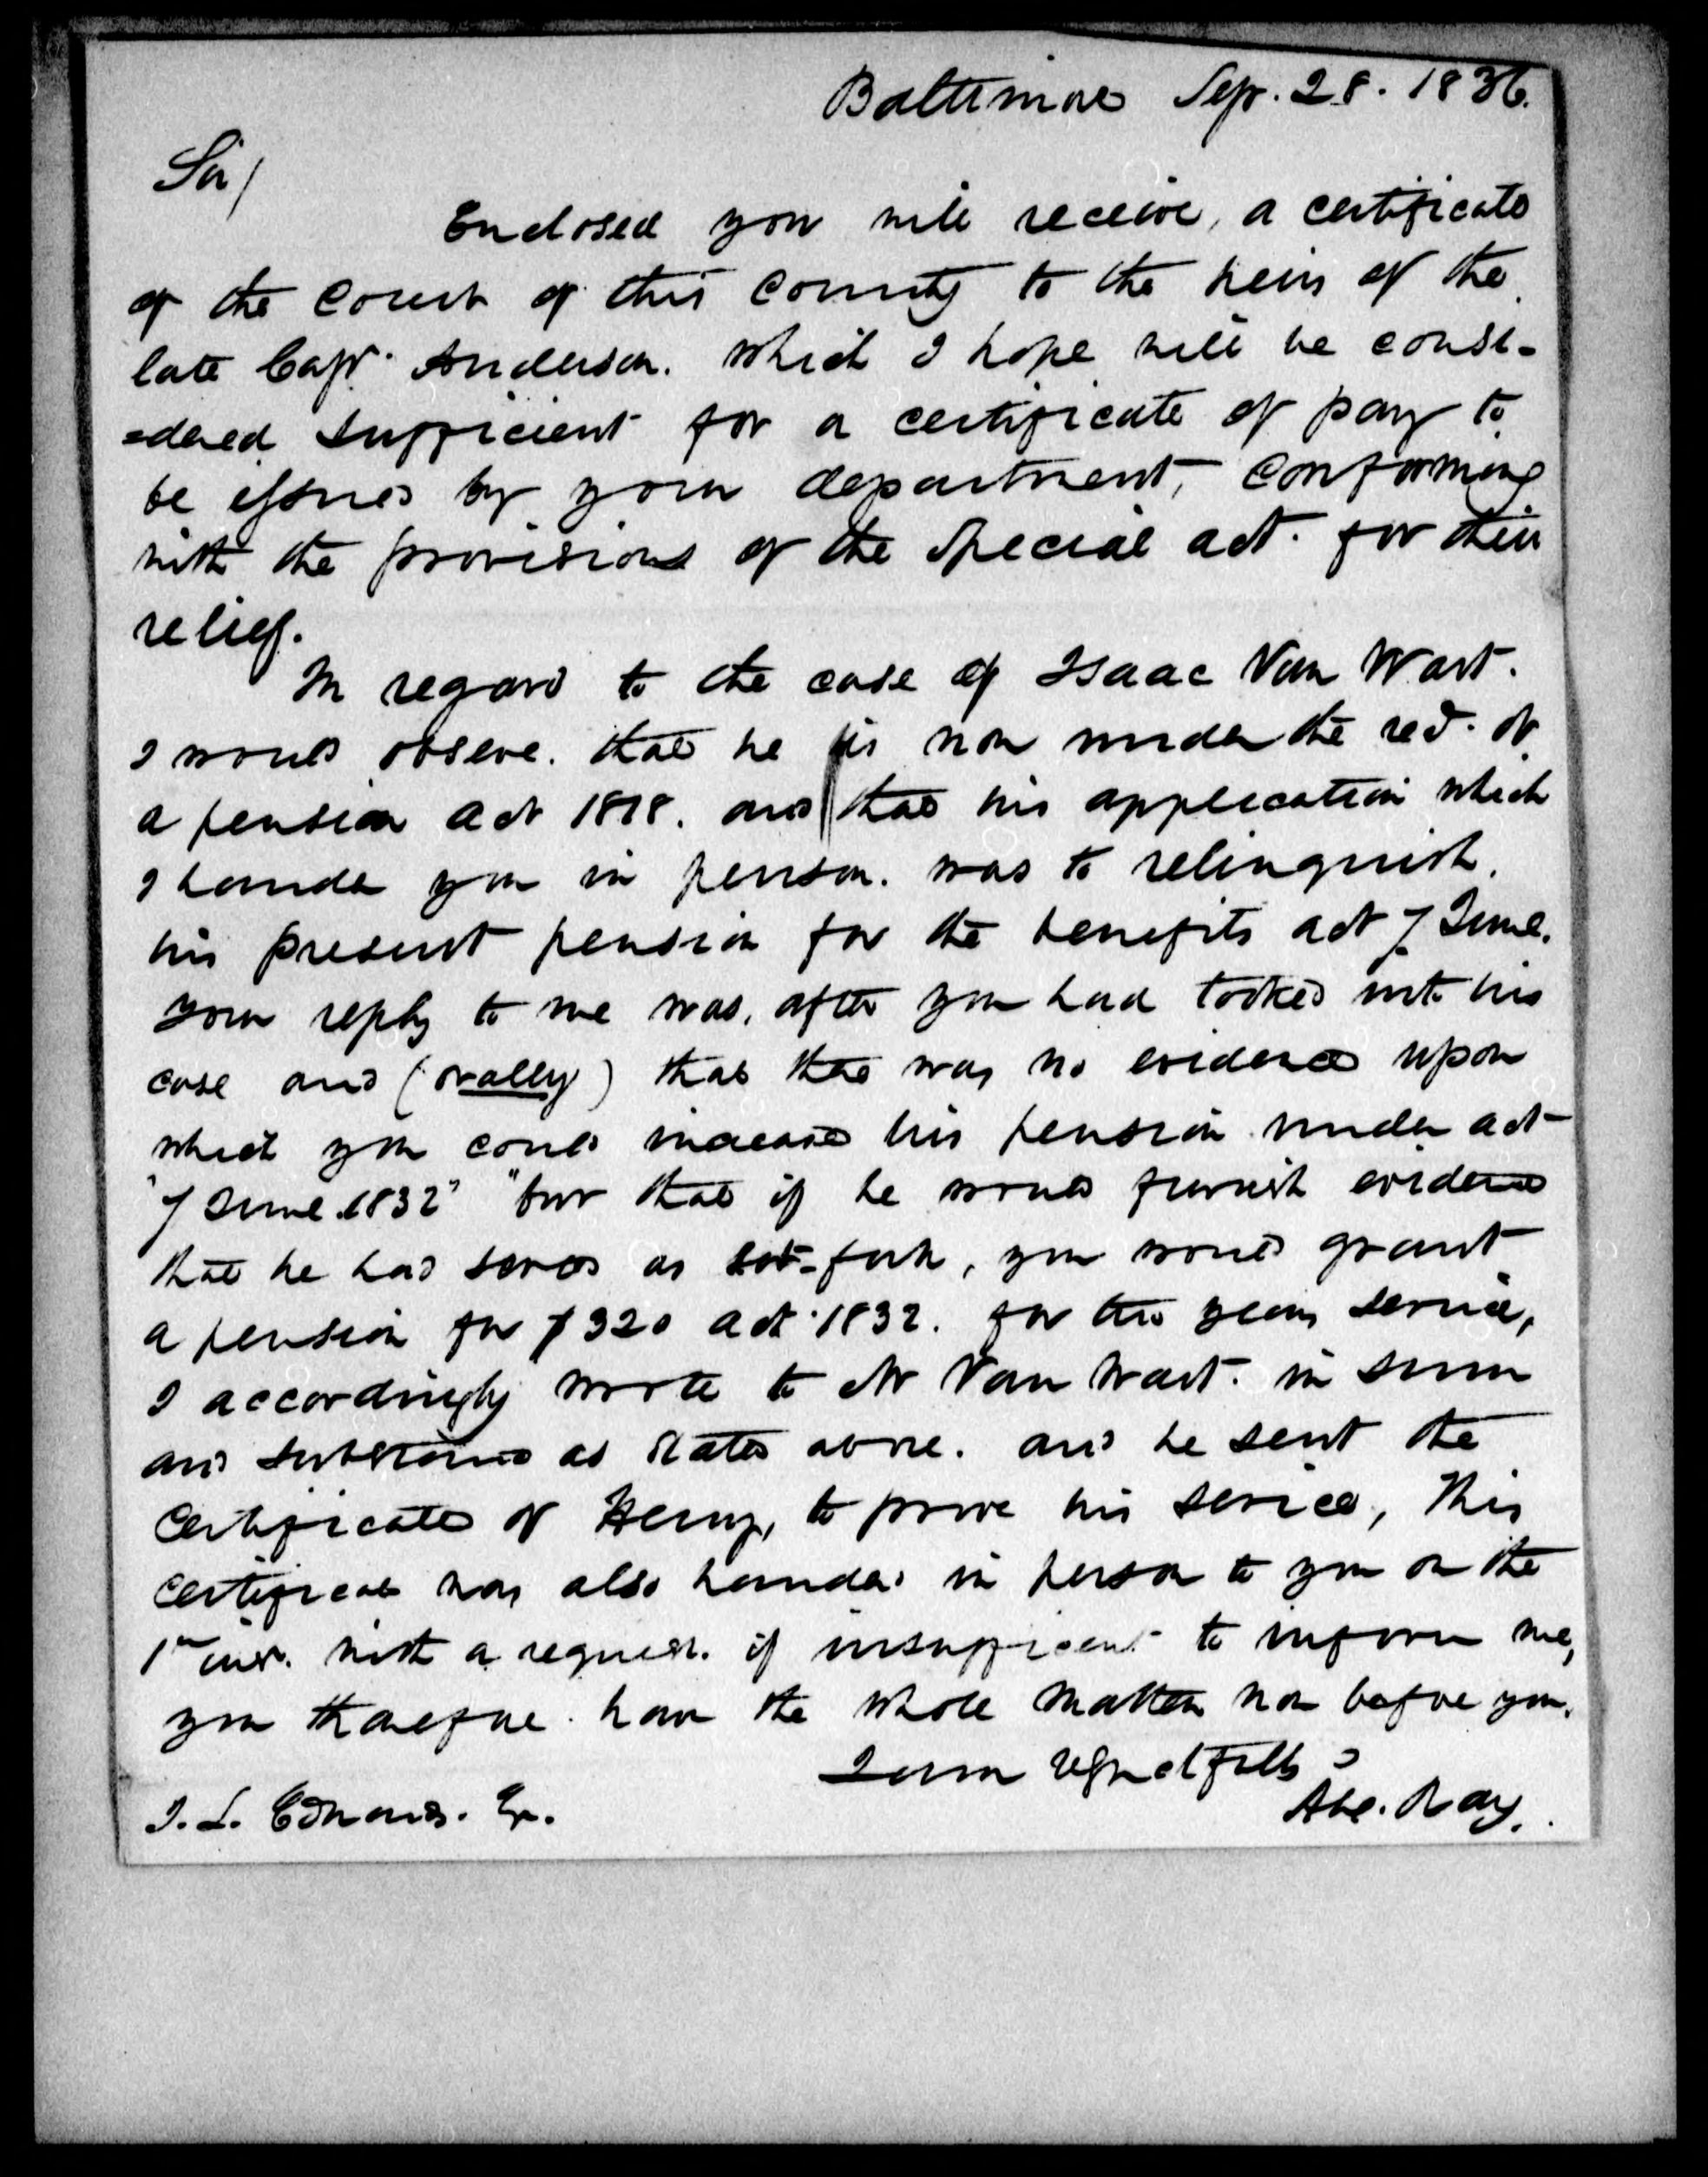Baltimore Sept. 28. 1836.
Sir
Enclosed you will receive, a certificate of the Court of this County to the heirs of the late Capt. Anderson which I hope will be considered sufficient for a certificate of pay to be issued by your department, conforming with the provisions of the special act for their relief.
In regard to the case of Isaac Van Wart, I would observe that he is now under the rect. of a pension act 1818. and that his application which I handed you in person was to relinquish his present pension for the benefits act 7 June. your reply to me was, after you had looked into his case and (orally) that there was no evidence upon which you could increase his pension under act 7 June 1832 for that if he could furnish evidence that he had served as set forth, you would grant a pension for $320 act 1832 for two years service, I accordingly wrote to Mr Van Wart in sum and substance as stated above and he sent the certificate of Henry, to prove his service, this certificate was also handed in person to you on the 1st inst. with a request if insufficient to inform me, you therefore have the whole matter now before you.
I am respectfully,
[signed] Alex. Ray.

J.L. Edwards Esq.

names: Anderson, Isaac Van Wart, J L Edwards, Abe Ray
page: 46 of 102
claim: widow's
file: W. 18239, Isaac Van Wart, New York